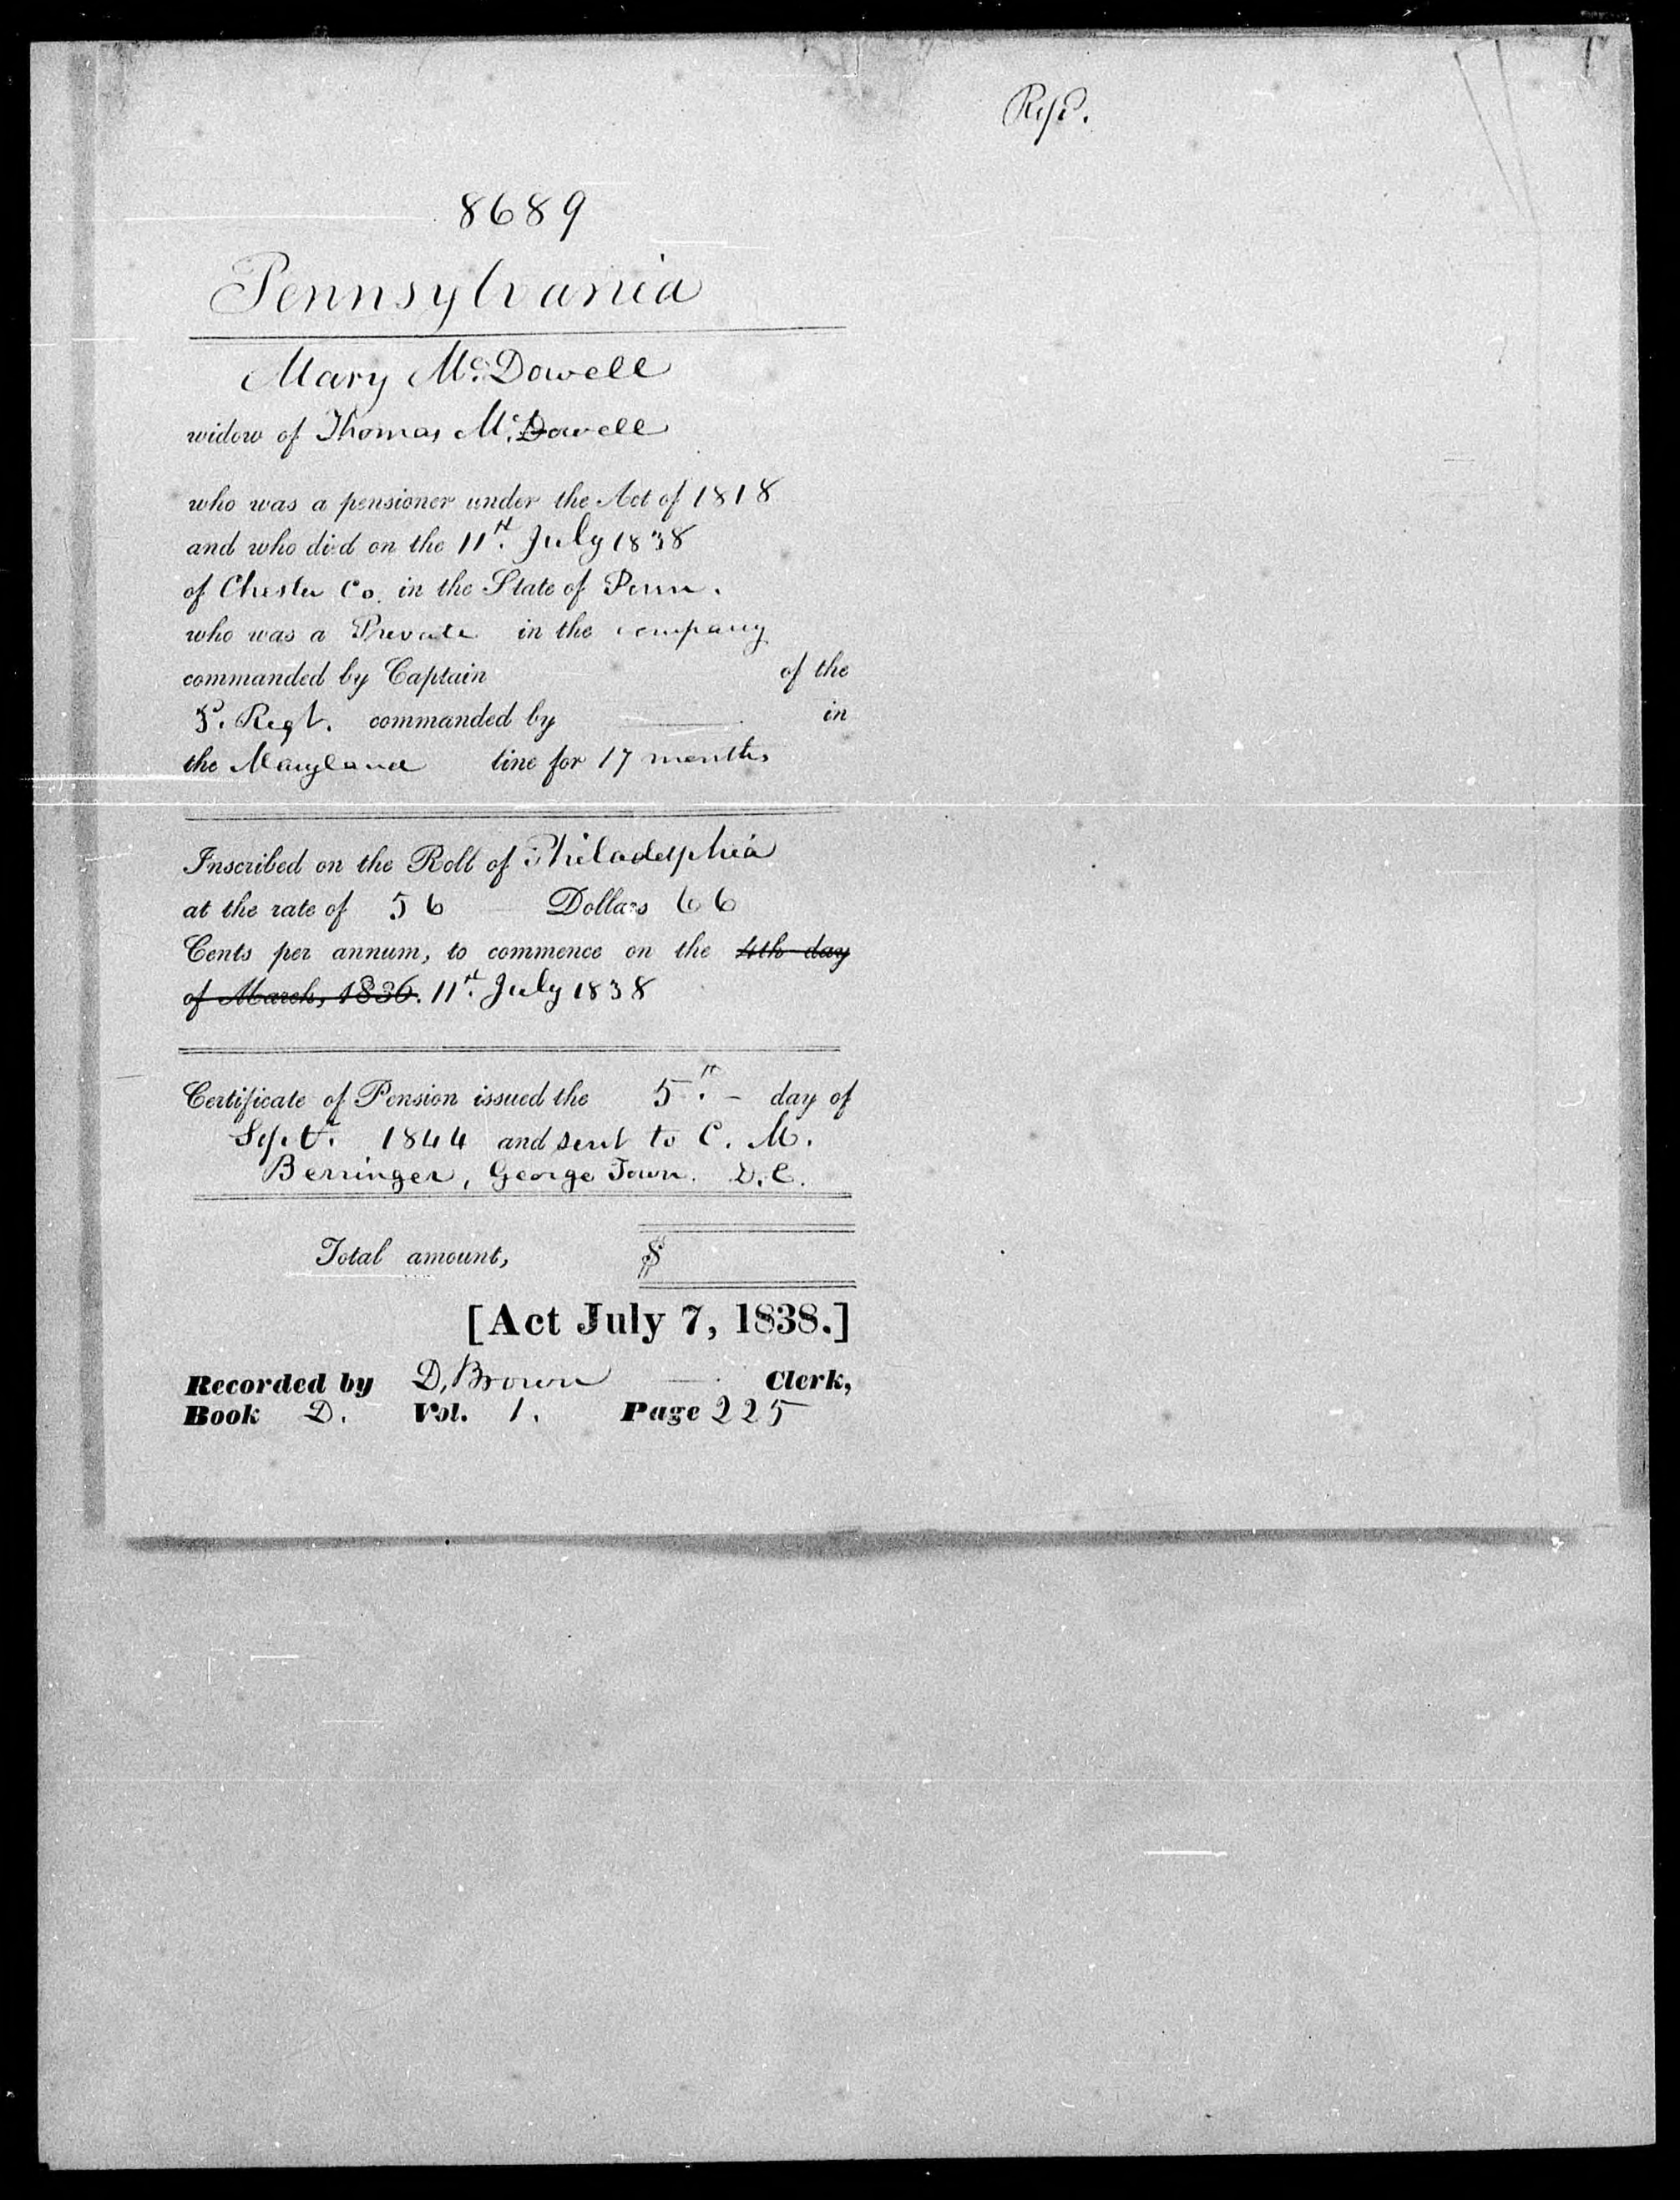Rifi.[?]

8689
Pennsylvania
Mary McDowell
widow of Thomas McDowell

who was a pensioner under the Act of 1818 and who died on the 11th July 1838 of Chester Co. in the State of Penn. who was a Private in the company commanded by Captain [blank] of the [illegible] Regt. commanded by [blank] in the Maryland line for 17 months

Inscribed on the Roll of Philadelphia at the rat of 56 Dollars 66 Cents per annum, to commence on the [crossed out] 4th day of March, 1836. [/crossed out] 11th July 1838

Certificate of Pension issued the 5th. - day of Sept. 1844 and sent to C. M. Berringer, George Town, D.C.

Total amount, $

[start bracket] Act July 7, 1838. [end bracket]
Recorded by D. Brown -- Clerk,
Book D. Vol. 1. Page 225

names: D Brown; Thomas Mc Dowell; Mary Mc Dowell; C M Berringer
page: 22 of 63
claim: widow's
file: W 2957, for Thomas Mc Dowell, Maryland